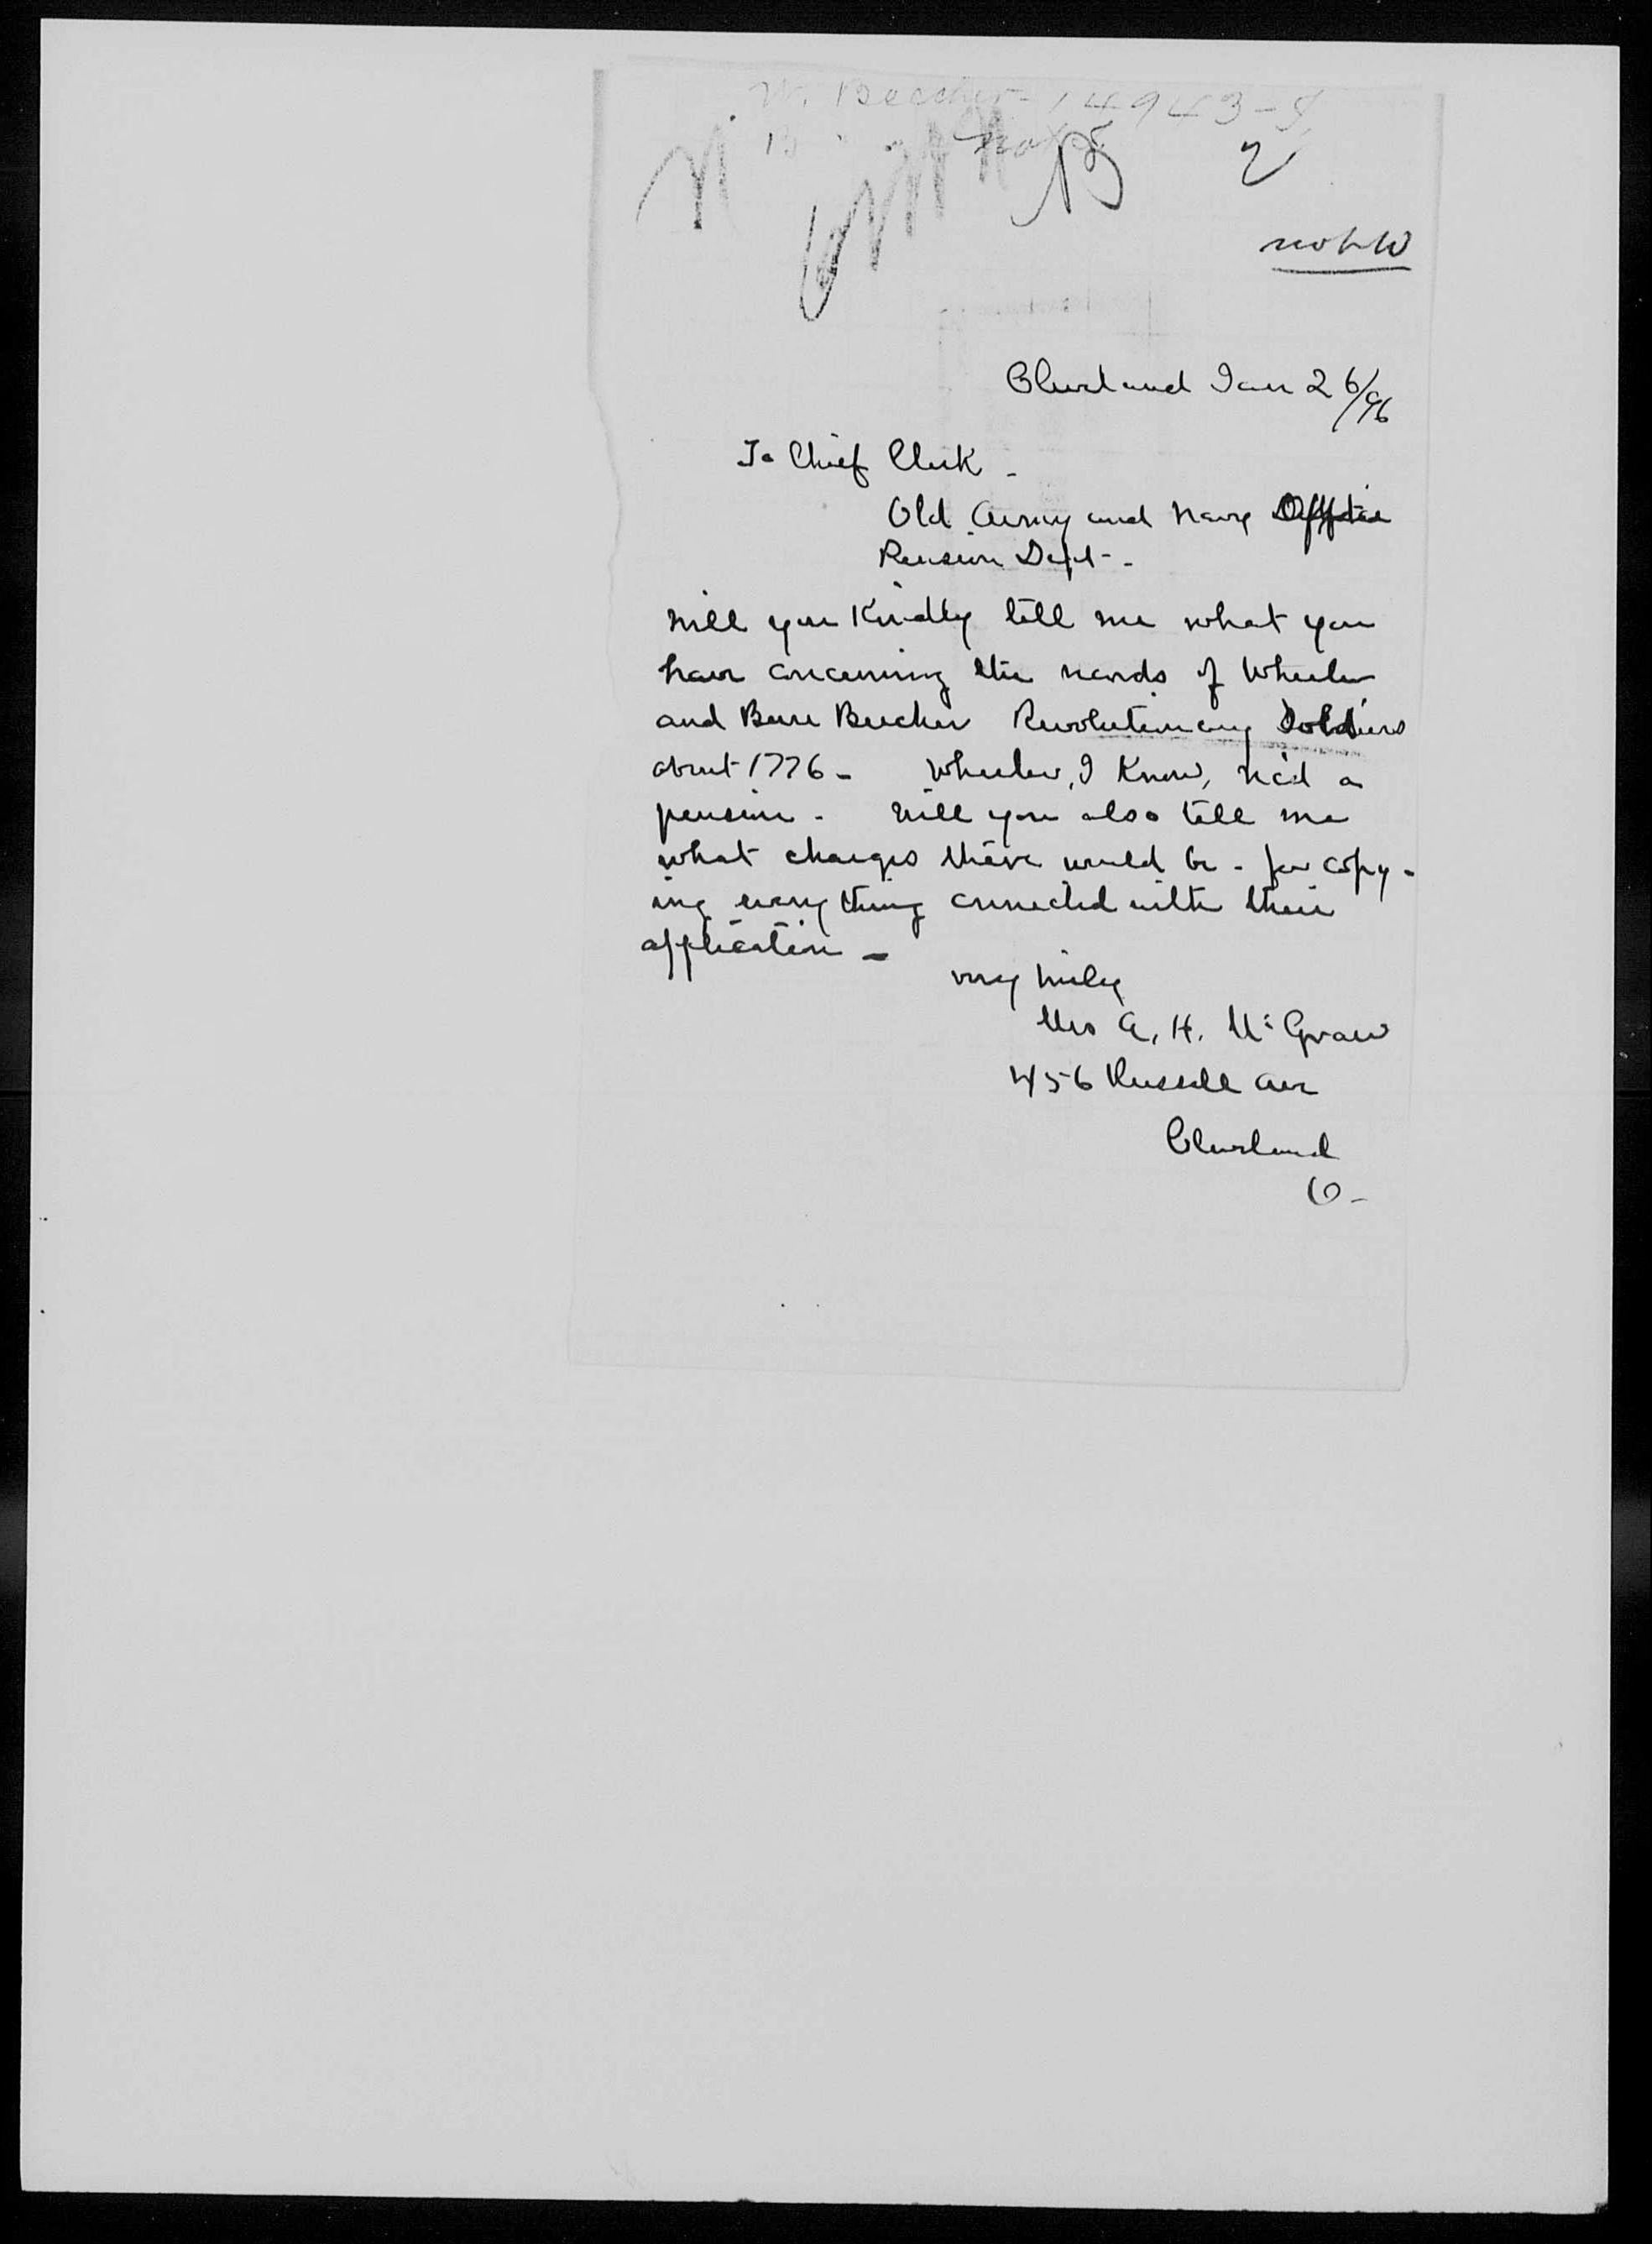W. Beecher - 14943 - J.
rev W

Cleveland Jan 26/96

To Chief Clerk
Old Army and Navy Office Pension Dept -
Will you kindly tell me what you have concerning the records of Wheeler and [illegible] Beecher Revolutionary Soldiers about 1776 - Wheeler, I know, rec'd a pension - will you also tell me what charges there would be for copying everything connected with their application -
very truly
Mrs A. H. McGraw
456 Riverside Ave
Cleveland O -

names: A H Mc Graw, Wheeler, Wheeler, Bure Beecher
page: 21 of 21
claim: survivor's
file: S. 14943, Wheeler Beecher, Conn.